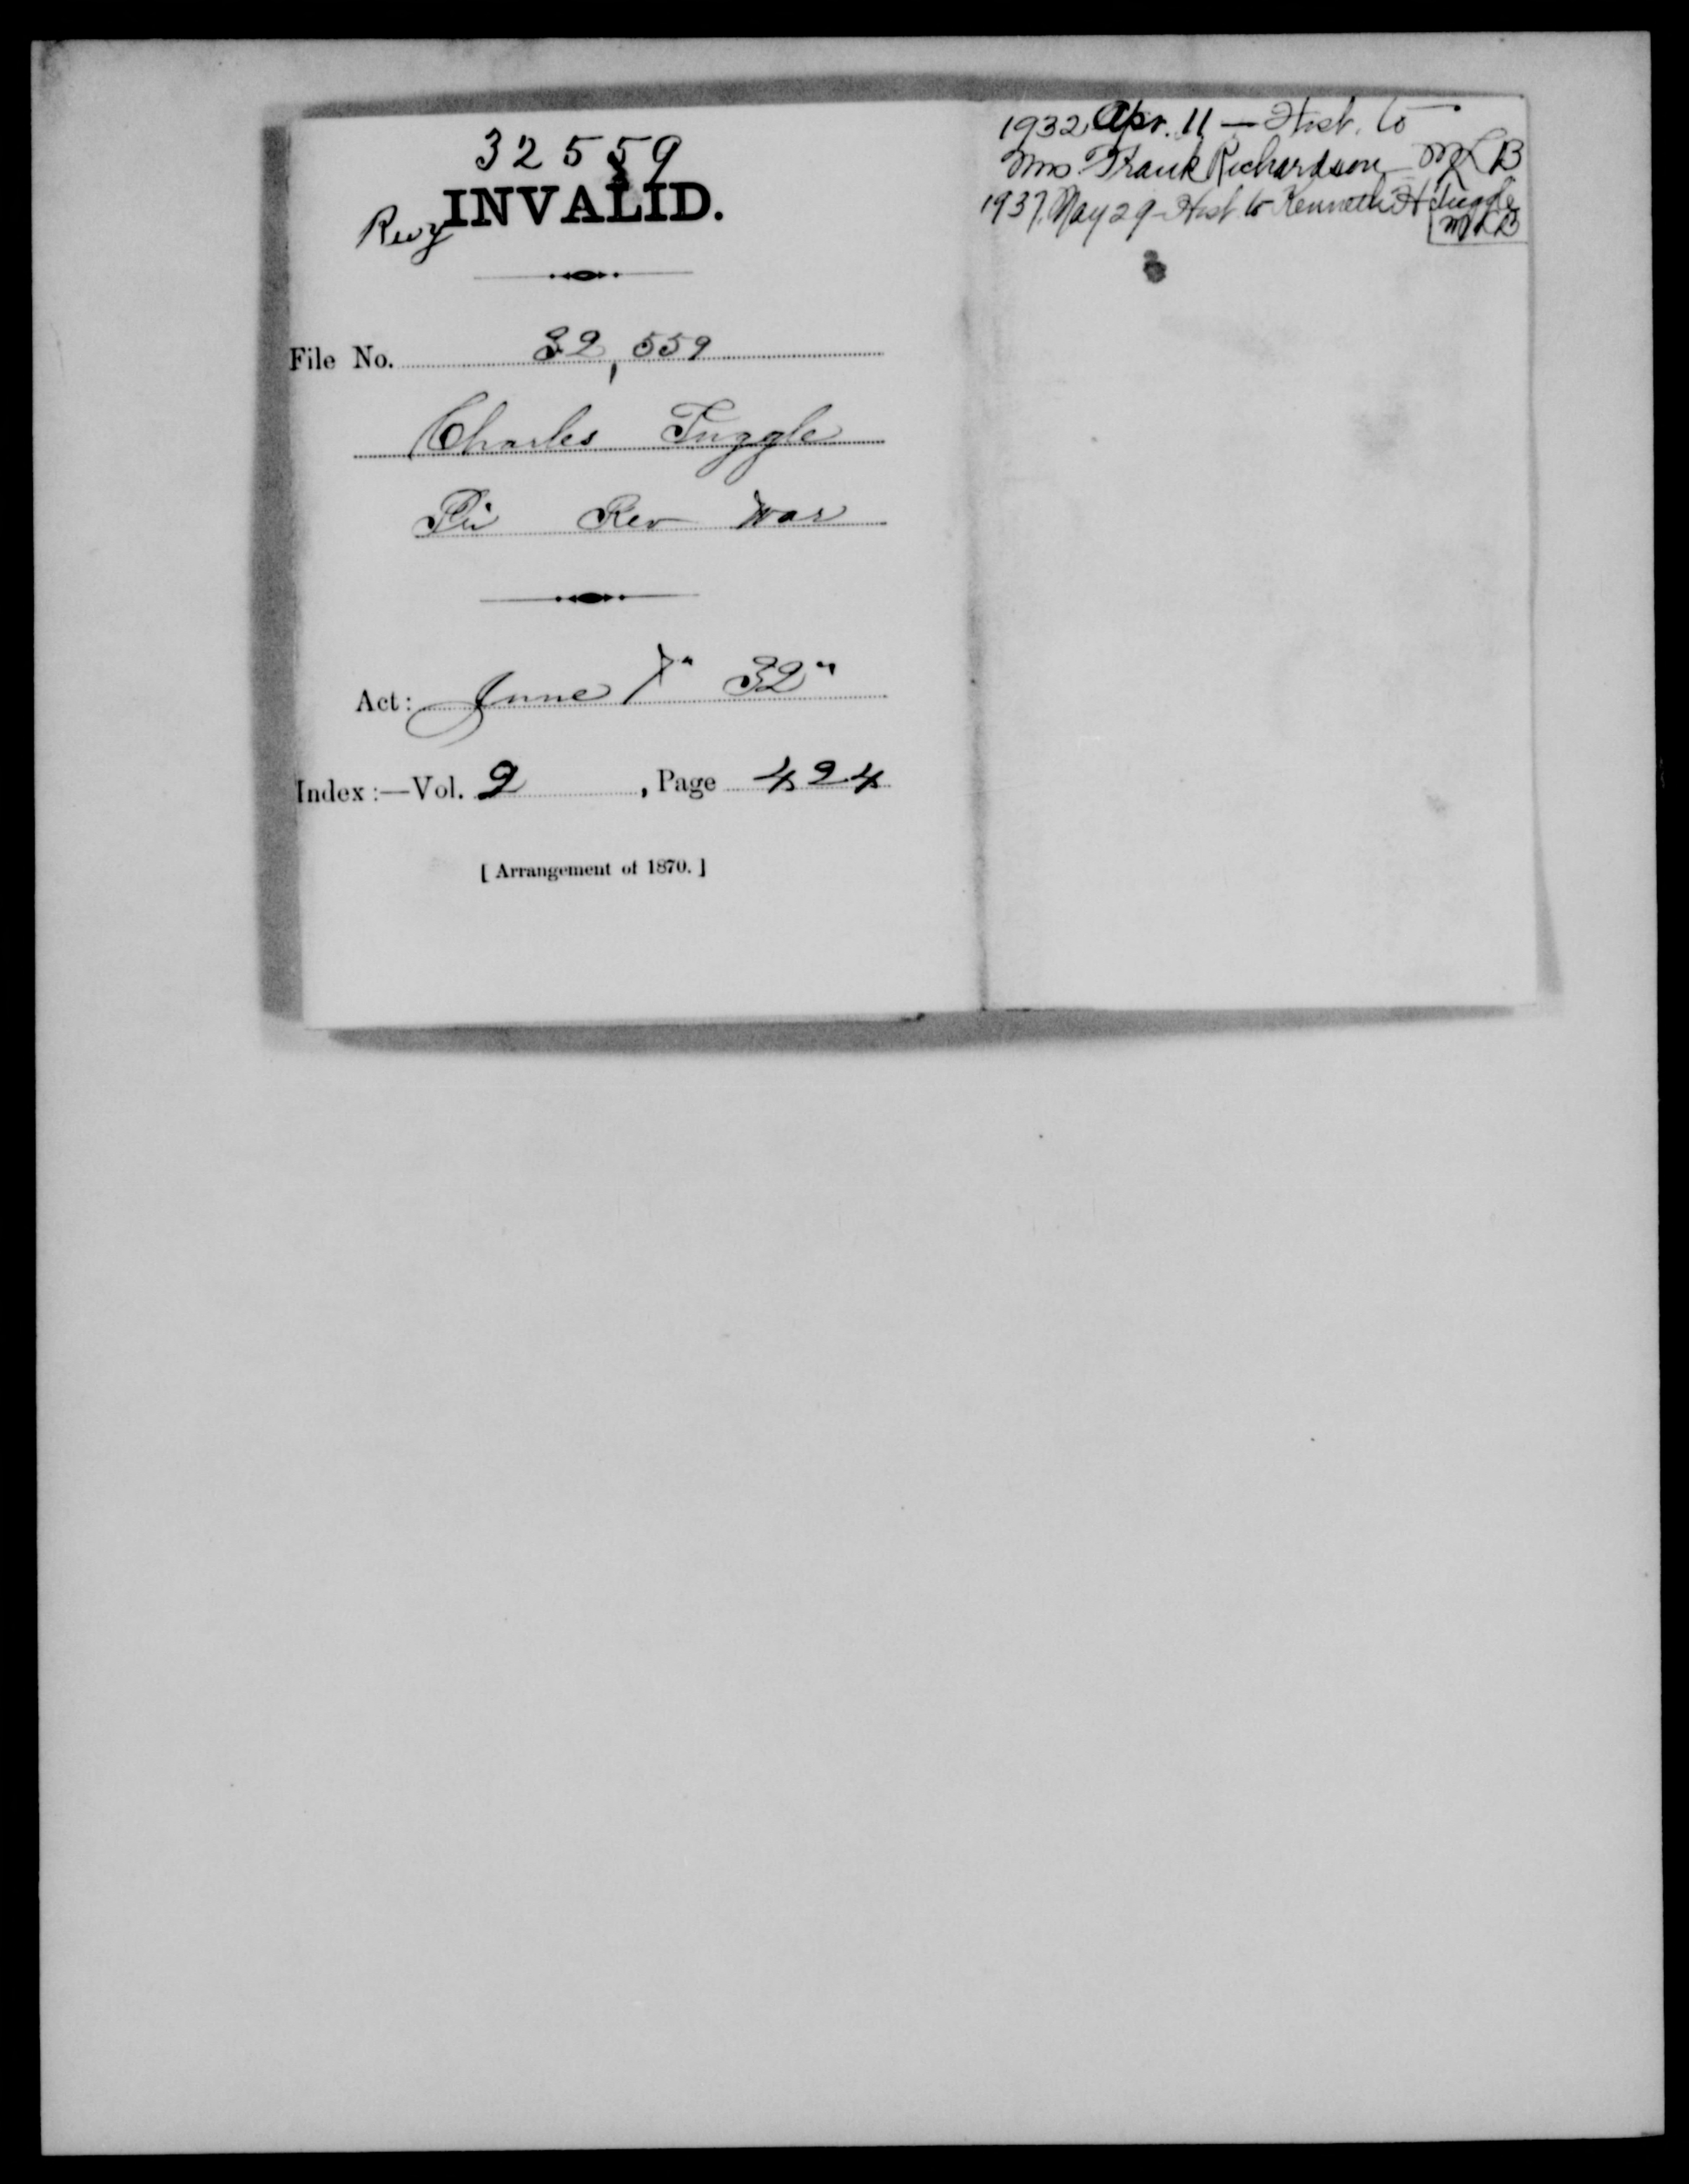32559
INVALID.
Revy
File No. 32,559
sesses
Charles Tuggle
P Rev War

Act: June 7th 32
Index: Vol. 2, Page 424
(Arrangement of 1870.)

1932 Apr. 11 - Hist. to
Mrs Frank Richardson MLB
1937, May 29 Hist. to Kenneth H Tuggle 
MLB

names: Frank Richardson, Kenneth H Tuggle, Charles Tuggle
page: 17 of 23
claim: survivor's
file: S. 32559, Charles Tuggle, Va.